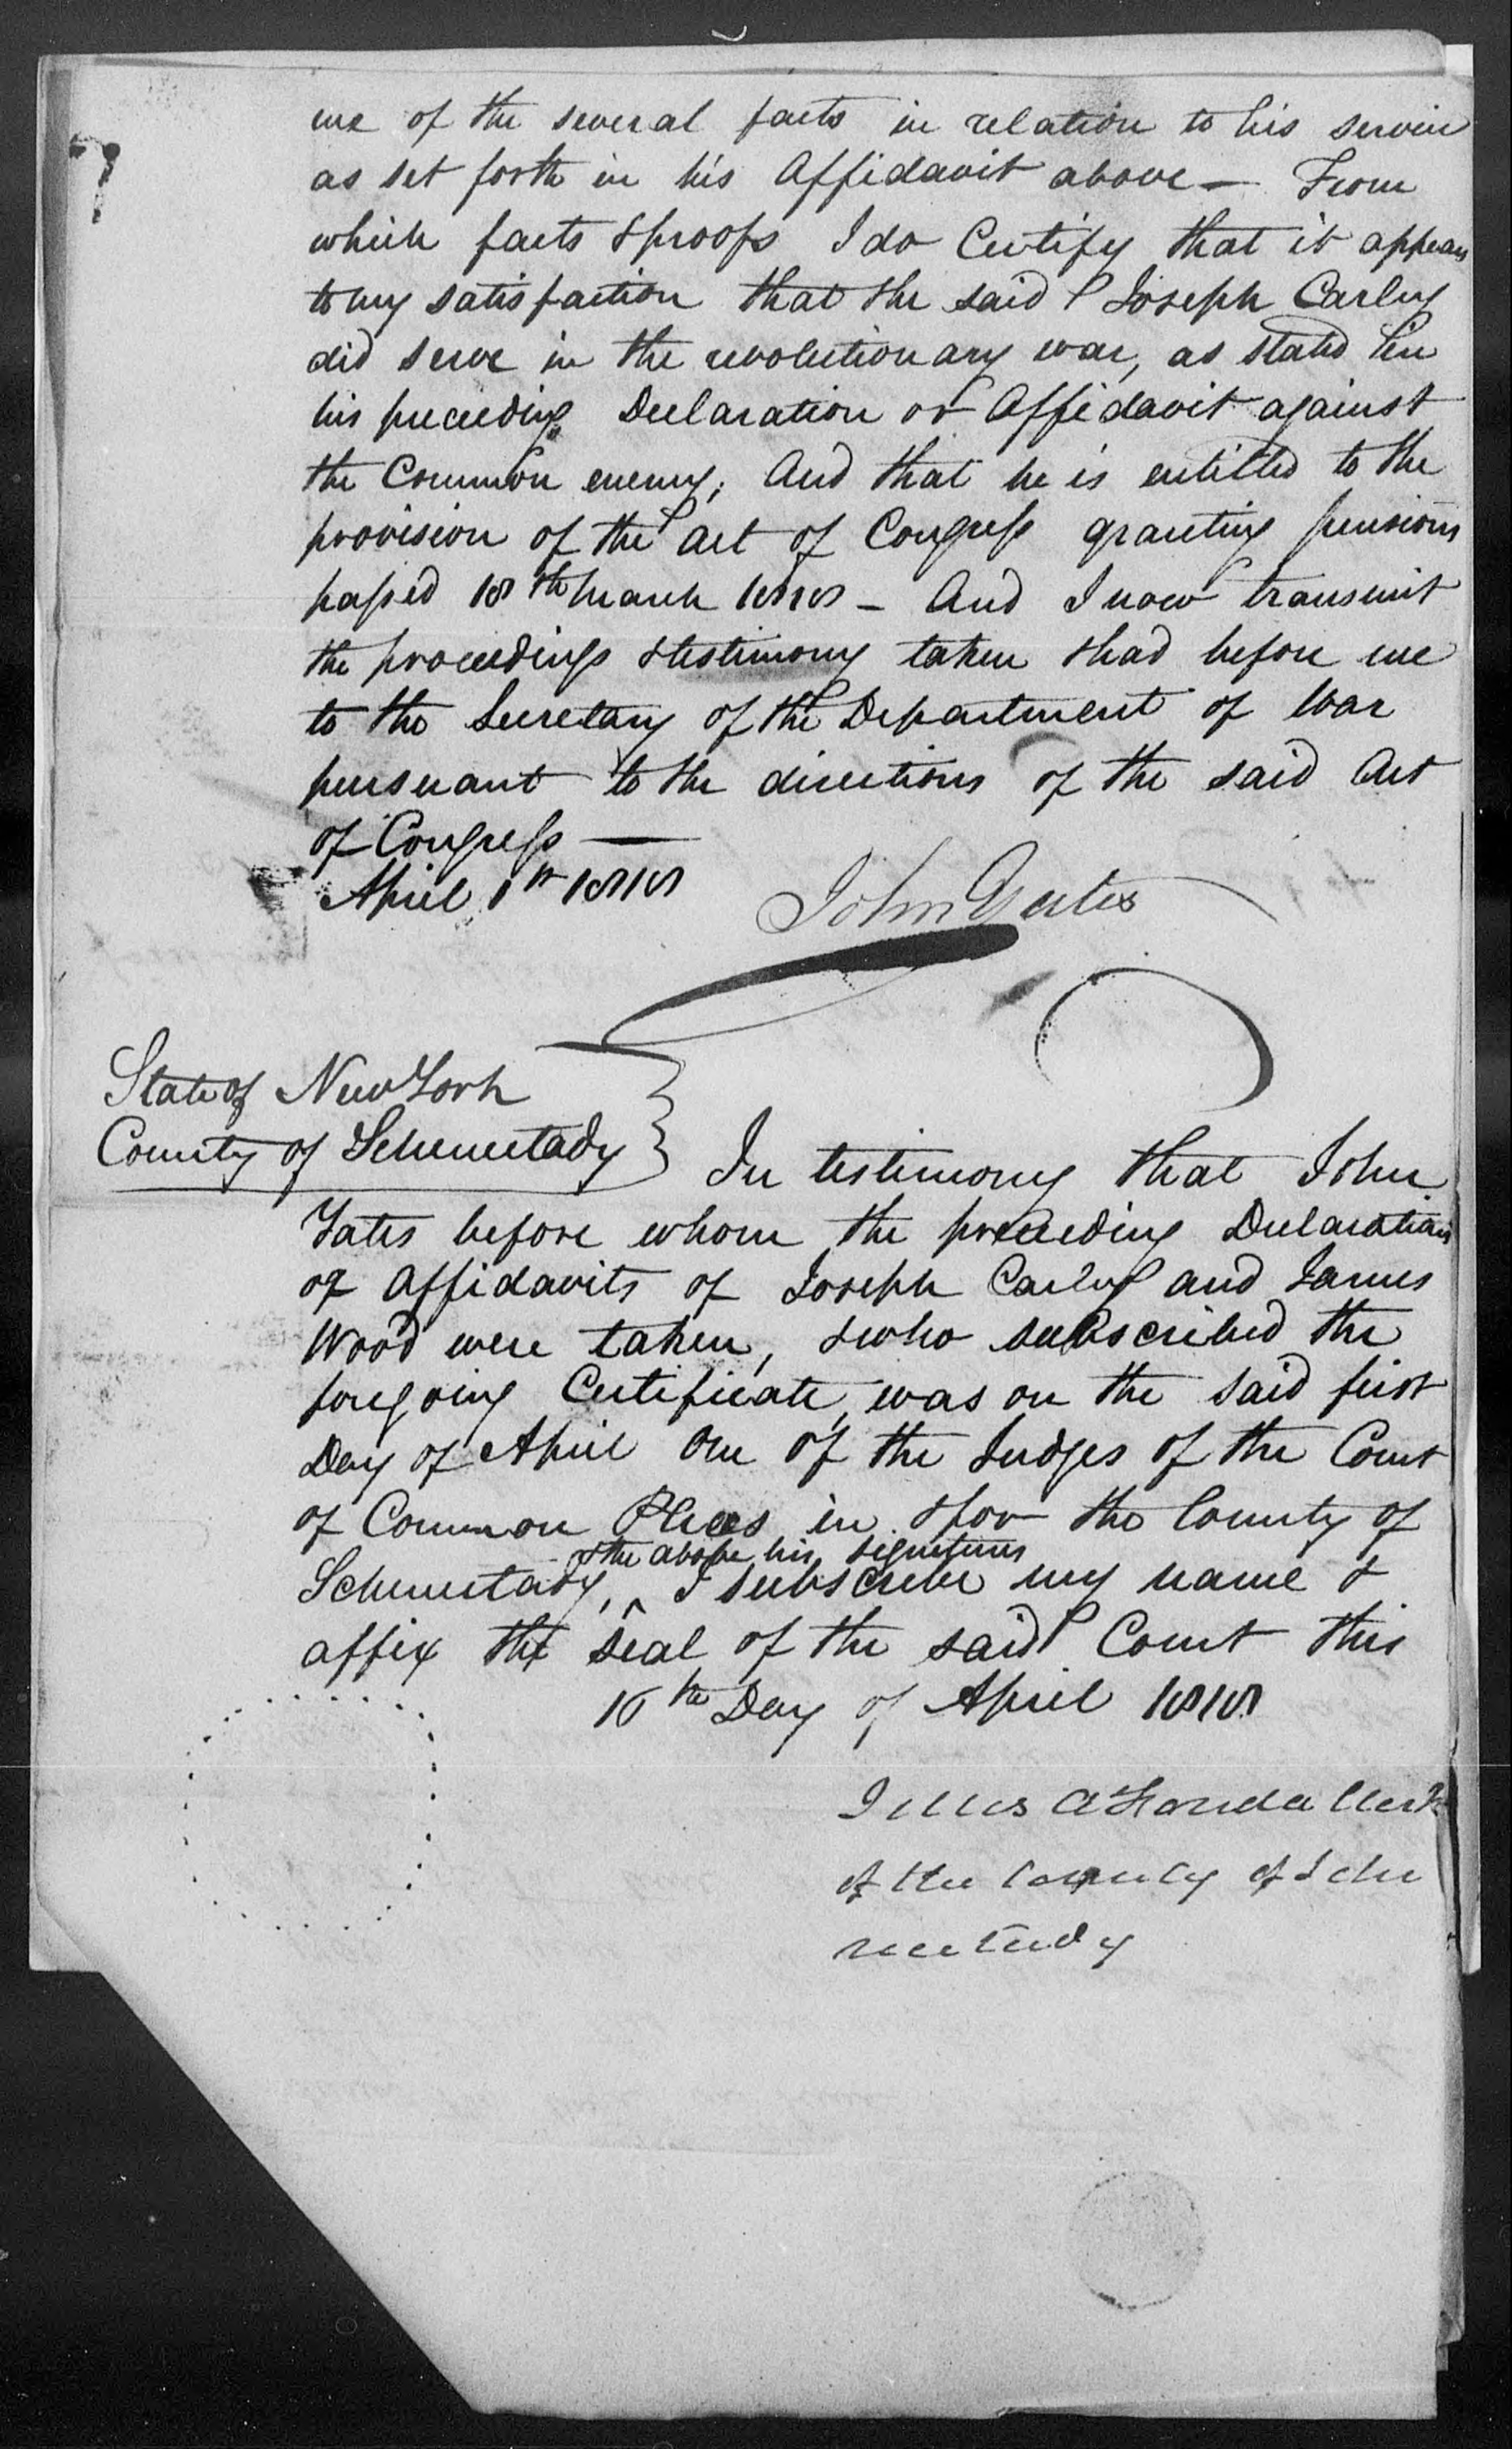me of the several facts relative to his service as set forth in his affidavit above - Form which facts and proofs I do certify that it appears to my satisfaction that the said Joseph Carley did serve in the revolutionary war, as stated in his preceding declaration or affidavit against the common enemy, and that he is entitled to the provision of the act of Congress granting pensions passed 18th March 1818.  And I now transmit the proceedings and testimony taken and had before me to the Secretary of the Department of War pursuant to the directions of the said Act of Congress.

April 1, 1818

John Yates


State of New York
County of Schenectady

In testimony that John Yates before whom the preceding Declarations and Affidavits of Joseph Carley and James Wood were taken, and who subscribed the foregoing certificate, was on the said first day of April one of the Judges of the Court of Common Pleas in and for the County of Schenectady, and the above his signatures, I subscribe my name and affix the seal of the said Court this 16th day of April 1818.

Jelles A. Fonda
Clerk of the County of Schenectady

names: Joseph Carley, Jelles A Fonda, James Wood, Joseph Carley, John Yates, John Yates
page: 7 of 16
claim: survivor's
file: S. 44371, Joseph Carley, New York.